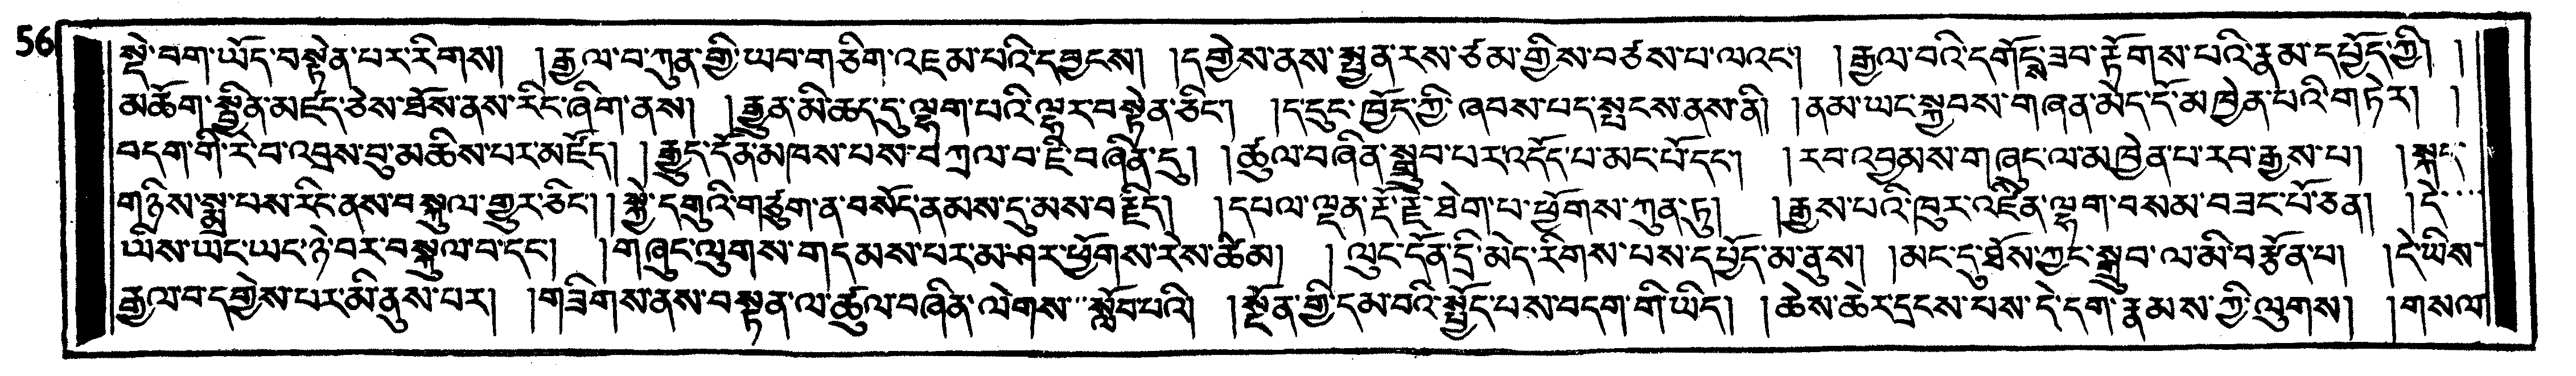སྡེ་བག་ཡོད་བསྟེན་པར་རིགས། །རྒྱལ་བ་ཀུན་གྱི་ཡབ་གཅིག་འཇམ་པའི་དབྱངས། །དགྱེས་ནས་སྤྱན་རས་ཙམ་གྱིས་བཙས་པ་ལའང་། །རྒྱལ་བའི་དགོངས་ཟབ་རྟོགས་པའི་རྣམ་དཔྱོད་ཀྱི། །
མཆོག་སྦྱིན་མཛད་ཅེས་ཐོས་ནས་རིང་ཞིག་ནས། །རྒྱུན་མི་ཆད་དུ་ལྷག་པའི་ལྷར་བསྟེན་ཅིང་། །ད་དུང་ཁྱོད་ཀྱི་ཞབས་པད་སྤངས་ནས་ནི། །ནམ་ཡང་སྐྱབས་གཞན་མེད་དོ་མཁྱེན་པའི་གཏེར། །
བདག་གི་རེ་བ་འབྲས་བུ་མཆིས་པར་མཛོད། །རྒྱུད་དོན་མཁས་པས་བཀྲལ་བ་ཇི་བཞིན་དུ། །ཚུལ་བཞིན་སྒྲུབ་པར་འདོད་པ་མང་པོ་དང་། །རབ་འབྱམས་གཞུང་ལ་མཁྱེན་པ་རབ་རྒྱས་པ། །སྐད་
གཉིས་སྨྲ་པས་རིང་ནས་བསྐུལ་གྱུར་ཅིང་། །སྐྱེ་དགུའི་གཙུག་ན་བསོད་ནམས་དུ་མས་བརྗིད། །དཔལ་ལྡན་རྡོ་རྗེ་ཐེག་པ་ཕྱོགས་ཀུན་ཏུ། །རྒྱས་པའི་ཁུར་འཛིན་ལྷག་བསམ་བཟང་པོ་ཅན། །དེ་
ཡིས་ཡང་ཡང་ཉེ་བར་བསྐུལ་བ་དང་། །གཞུང་ལུགས་གདམས་པར་མ་ཤར་ཕྱོགས་རེས་ཚིམ། །ལུང་དོན་དྲི་མེད་རིགས་པས་དཔྱོད་མ་ནུས། །མང་དུ་ཐོས་ཀྱང་སྒྲུབ་ལ་མི་བརྩོན་པ། །དེ་ཡིས་
རྒྱལ་བ་དགྱེས་པར་མི་ནུས་པར། །གཟིགས་ནས་བསྟན་ལ་ཚུལ་བཞིན་ལེགས་སློབ་པའི། །སྔོན་གྱི་དམ་བའི་སྤྱོད་པས་བདག་གི་ཡིད། །ཆེས་ཆེར་དྲངས་པས་དེ་དག་རྣམས་ཀྱི་ལུགས། །གསལ་